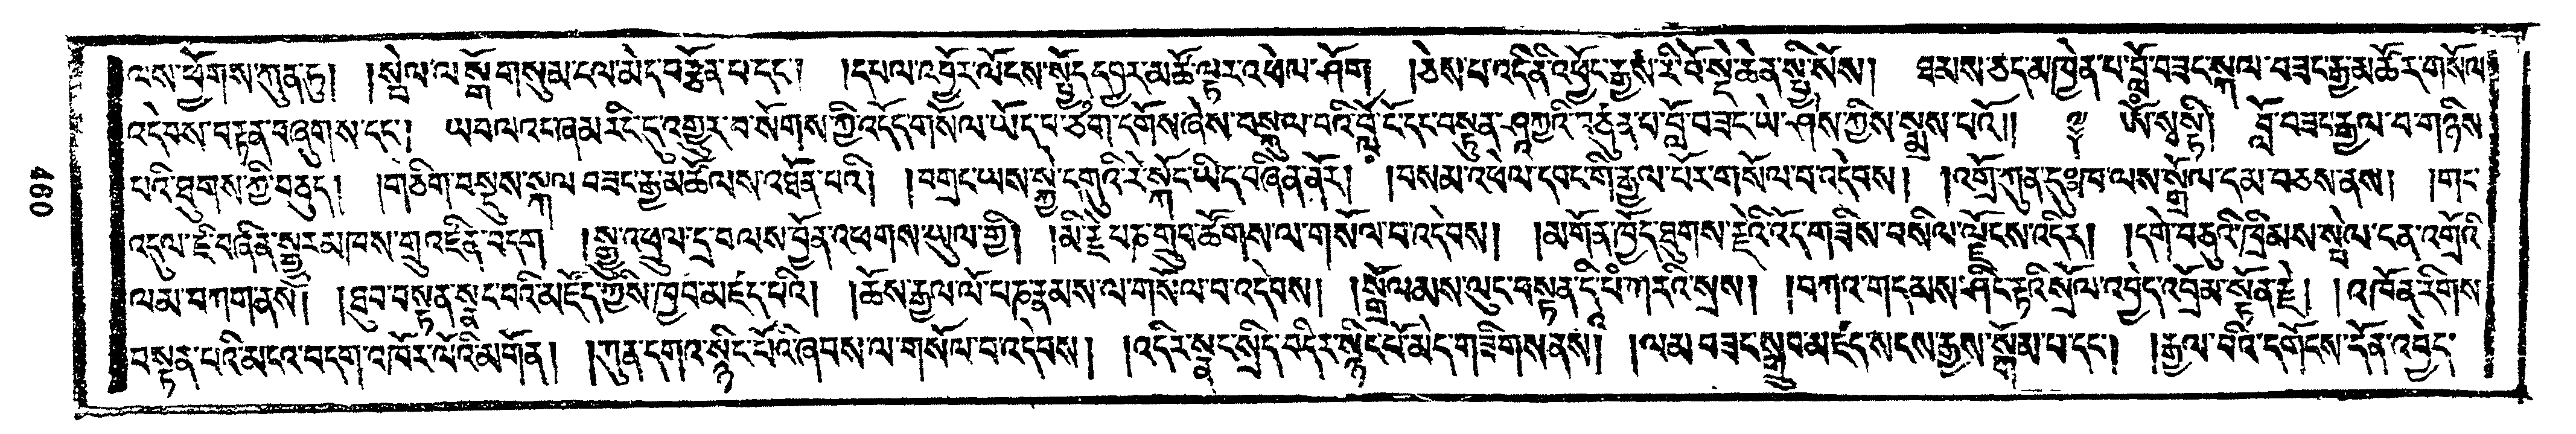ལས་ཕྱོགས་ཀུན་ཏུ། །སྦེལ་ལ་སྒོ་གསུམ་ངལ་མེད་བརྩོན་པ་དང་། །དཔལ་འབྱོར་ལོངས་སྤྱོད་དབྱར་མཚོ་ལྟར་འཕེལ་ཤོག །ཅེས་པ་འདི་ནི་འཕྱོང་རྒྱས་རི་བོ་སྡེ་ཆེན་སྤྱི་སོས། ཐམས་ཅད་མཁྱེན་པ་བློ་བཟང་རྒྱ་མཚོར་གསོལ་
འདེབས་བརྟན་བཞུགས་དང་། ཡབ་ལའང་ཞམ་རིང་དུ་འགྱུར་བ་སོགས་ཀྱི་འདོད་གསོལ་ཡོད་པ་ཙག་དགོས་ཞེས་བསྐུལ་བའི་བློ་ངོ་དབང་བསྟུན་ཤའྐྱའི་བཙུན་པ་བློ་བཟང་ཡེ་ཤེས་ཀྱིས་སྨྲས་པའོ།། ༈ ཨོཾ་སྭྶྟི། བློ་བཟང་རྒྱལ་བ་གཉིས་
པའི་ཐུགས་ཀྱི་བཅུད། །གཅིག་བསྡུས་སྐལ་བཟང་རྒྱ་མྟོས་ལས་འཐོན་པའི། །བགྲང་ཡས་སྐྱེ་དགུའི་རེ་སྐོང་ཡིད་བཞིན་ནོར། །བསམ་འཕེལ་དབང་གི་རྒྱལ་པོར་གསོལ་བ་འདེབས། །འགྲོ་ཀུན་དུཿ ཁ་ལས་སྒྲོལ་དམ་བཅས་ནས། །གང་
འདུལ་ཇི་བཞིན་སྒྱུར་མཁས་གྲུ་འཛིན་བདག །སྒྱུ་འཕྲུལ་དྲ་བ་ལས་བྱོན་འཕགས་ཡུལ་གྱི། །མི་རྗེ་པཎ་གྲུབ་ཚོགས་ལ་གསོལ་བ་འདེབས། །མགོན་ཁྱོད་ཐུགས་རྗེའི་འོད་གཟིགས་བསིལ་ལྗོངས་འདིར། །དགེ་བཅུའི་ཁྲིམས་སྤེལ་ངན་འགྲོའི་
ལམ་བཀག་ནས། །ཐུབ་བསྟན་སྣང་བའི་མཛད་ཀྱིས་ཁྱབ་མཛད་པའི། །ཆོས་རྒྱལ་ལོ་པཎ་རྣམས་ལ་གསོལ་བ་འདེབས། །སྒྲོལ་མས་ལུང་བསྟན་དཱི་པཾ་ཀ་རའི་སྲས། །བཀའ་གདམས་ཤིང་རྟའི་སྲོལ་འབྱེད་འབྲོམ་སྟོན་རྗེ། །འཁོན་རིགས་
བསྟན་པའི་མངའ་བདག་འཁོར་ལོའི་མགོན། །ཀུན་དགའ་སྙིང་པོའི་ཞབས་ལ་གསོལ་བ་འདེབས། །འདིར་སྣང་སྲིད་བདིར་སྙིང་པོ་མེད་གཟིགས་ནས། །ལམ་བཟང་སྒྲུབ་མཛད་སངས་རྒྱས་སྒོམ་པ་དང་། །རྒྱལ་བའི་དགོངས་དོན་འབྱེད་